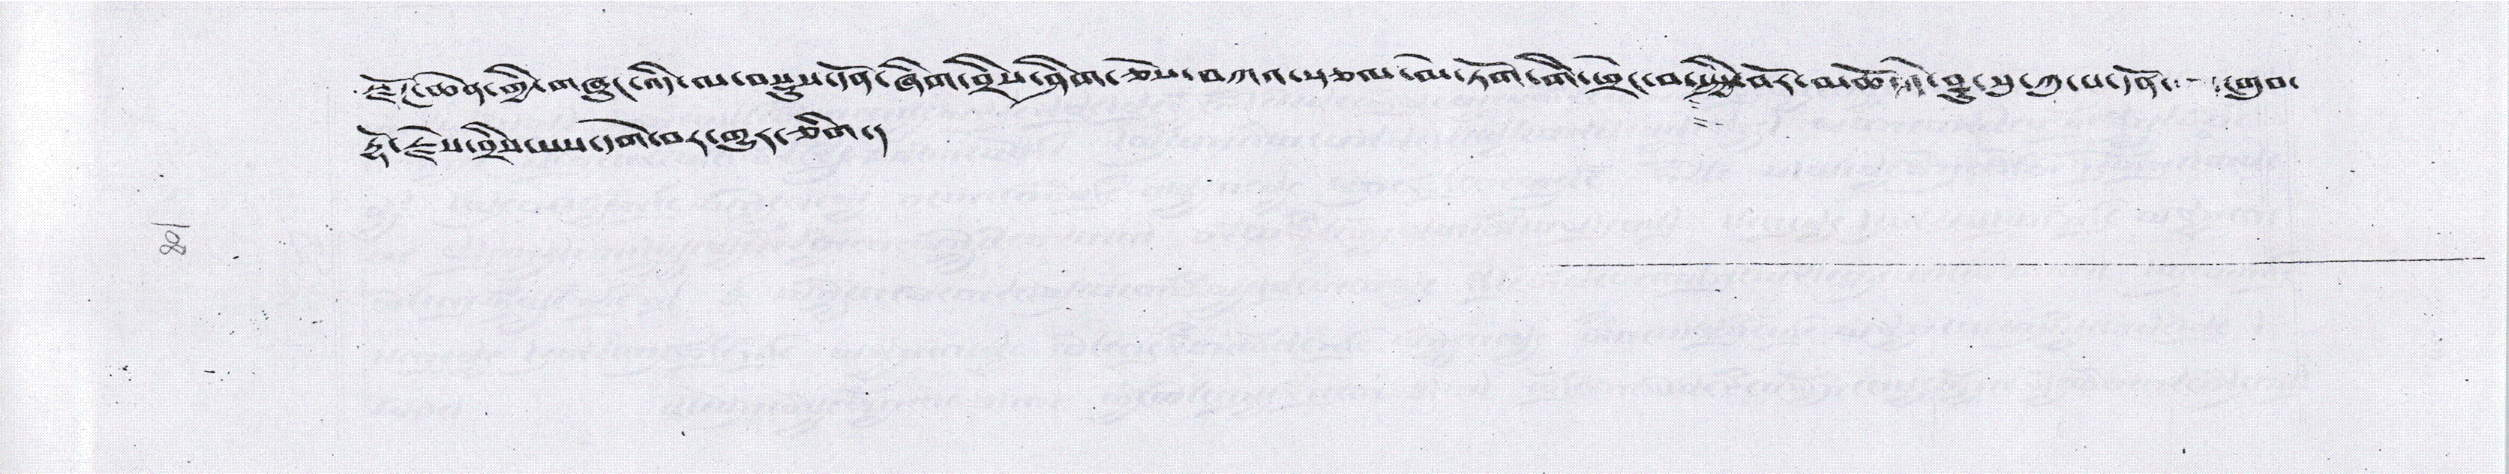རྫོགས་ཆེན་གྱི་གཞུང་འདི་ལ་བསྡུས་དོན་ཞིག་བྲིས་ཤིག་ཅེས་བཀའ་སྩལ་མེ་ཏོག་གི་ཕྲེང་བ་སྤྱི་བོར་མཆོད་དེ་བྷུ་སུ་ཀུ་པ་དོན་གྲུབ་
རྡོ་རྗེས་བྲིས་པ་དགེ་བར་གྱུར་ཅིག། །།